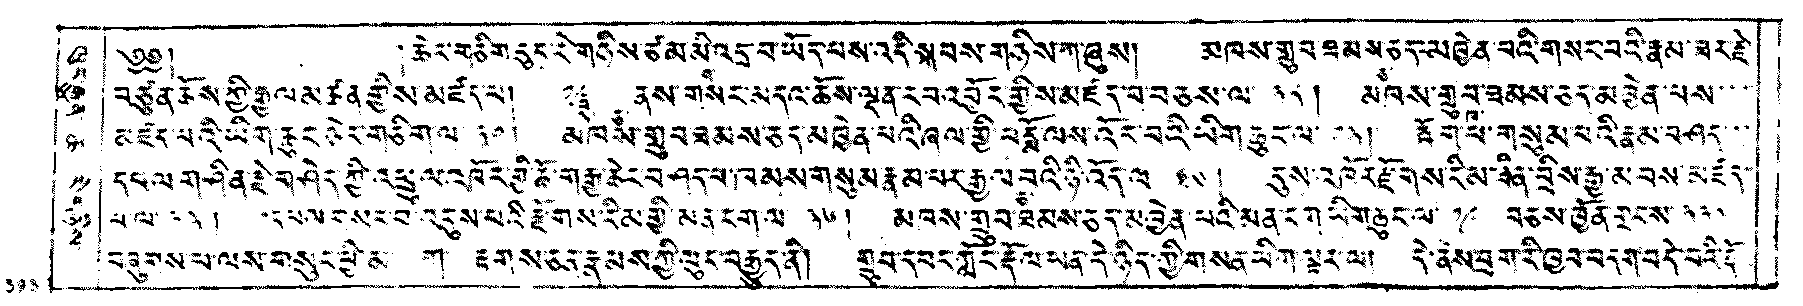༄༅། །ཆེར་གཅིག་རུང་རེ་གཉིས་ཙམ་མི་འདྲ་བ་ཡོད་པས་འདི་སྐབས་གཉིས་ཀ་ཞུས། མཁས་གྲུབ་ཐམས་ཅད་མཁྱེན་པའི་གསང་བའི་རྣམ་ཐར་རྗེ་
བཙུན་ཆོས་ཀྱི་རྒྱལ་མཚན་གྱིས་མཛད་པ། ༡༩་བ ༣་ནས་ག་གསང་མདའ་ཆོས་ལྡན་རབ་འབྱོར་གྱིས་མཛད་པ་བཅས་ལ ༢༨། ཅ་མཁས་གྲུབ་ཐམས་ཅད་མཁྱེན་པས་
མཛད་པའི་ཡིག་ཆུང་ཉེར་གཅིག་ལ ༢༠། ཅ་མཁས་གྲུབ་ཐམས་ཅད་མཁྱེན་པའི་ཞལ་གྱི་པདམོ་ལས་འོང་བའི་ཡིག་ཆུང་ལ ༡༣། ཁ་རྟོག་པ་གསུམ་པའི་རྣམ་བཤད་
དཔལ་གཤིན་རྗེ་གཤེད་ཀྱི་འཕྲུལ་འཁོར་གྱི་ཆོ་ག་རྒྱ་ཆེར་བཤད་པ་ཁམས་གསུམ་རྣམ་པར་རྒྱལ་བའི་ཉི་འོད་ལ ༤༤། དུས་འཁོར་རྫོགས་རིམ་ཟིན་བྲིས་རྒྱ་མ་བས་མཛད་
པ་ལ ༢༣། དཔལ་གསང་བ་འདུས་པའི་རྫོགས་རིམ་གྱི་མན་ངག་ལ ༣༦། མཁས་གྲུབ་ཅ་ཐམས་ཅད་མཁྱེན་པའི་མན་ངག་ཡིག་ཆུང་ལ ༡༩། བཅས་ཁྱོན་གྲངས ༢༢༨
བཞུགས་པ་ལས་གསུང་ཕྱི་མ་ཀ་རྟགས་ཅན་རྣམས་ཀྱི་ལུང་བརྒྱུད་ནི། གྲུབ་དབང་ཀློང་རྡོལ་ཡན་དེ་ཉིད་ཀྱི་གསན་ཡིག་ལྟར་ལ། དེ་ནས་བྲག་རི་ཁྱབ་བདག་བདེ་བའི་རྡོ་